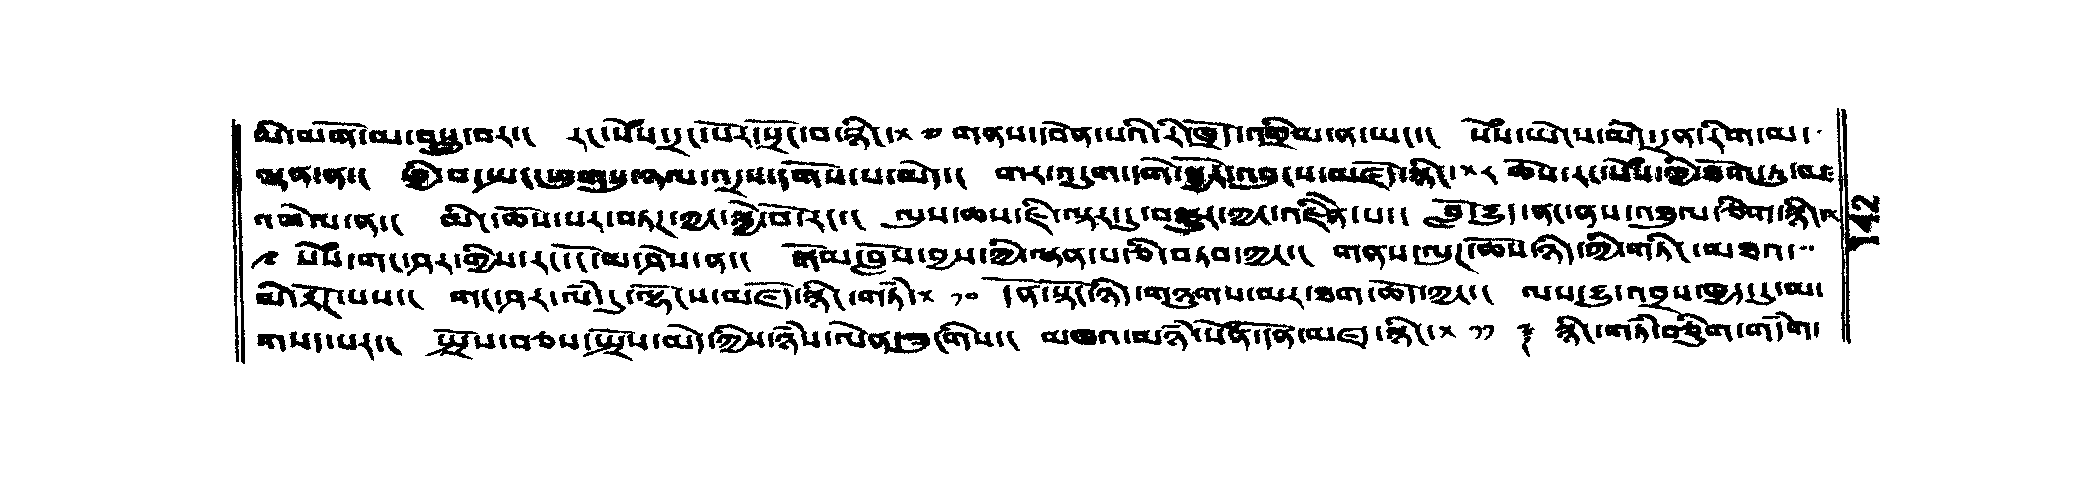མི་མགོ་མ་བསླུ་བར། །རང་སེམས་དྲང་པོར་སྲོང་བ་སྙིང༴ །གནས་དབེན་པའི་རི་ཁྲོད་འགྲིམ་ན་ཡང་། །སེམས་ཡེངས་མེད་དྲན་རིག་མ་
ལྡན་ན། །ཕྱི་བ་སྤང་ཕུགས་སུ་ཉལ་འདྲས་དགོས་པ་མེད། །གར་འདུག་དགེ་སྦྱོར་འབུངས་མཛོད་སྙིང༴ །ཆོས་རང་སེམས་ཀྱི་ཐོག་ཏུ་མ་
ཁེལ་ན། །མིང་ཆོས་པར་བཏགས་ཀྱང་སྐྱེ་བོ་རང་། །ལུས་ཆས་ཇི་ལྟར་དུ་བསྒྱུར་ཀྱང་འཇིག་རྟེན་པ། བློ་རྒྱུད་ནང་ནས་འཐུལ་ཅིག་སྙིང༴ །
སེམས་གང་ཤར་གྱིས་རང་ངོ་མ་ཤེས་ན། །སྒོམ་བློས་བྱས་ཀྱི་ལྷན་པ་ཅི་བཏབ་ཀྱང་། །གནས་ལུགས་ཆོས་ཉིད་ཀྱི་གཏིང་མཐའ་
མི་རྟོགས་པས། །གང་ཤར་ལམ་དུ་ལྷོངས་མཛོད་སྙིང་གཏམ༴ །དོན་སྟོང་ཉིད་གཉུག་མར་ཐག་ཆོད་ཀྱང་། །ལས་རྒྱུ་འབྲས་ཁྱད་དུ་མ་
གསད་པར། །སྤྲོས་བཅས་སྤྲོས་མེད་ཀྱི་ཉམས་ལེན་ཟུང་འཇུག་གིས། །མཁའ་མཉམ་སེམས་ཅན་དོན་མཛོད་སྙིང༴ །སྙིང་གཏམ་བཅུ་གཅིག་གདམས་ངག་